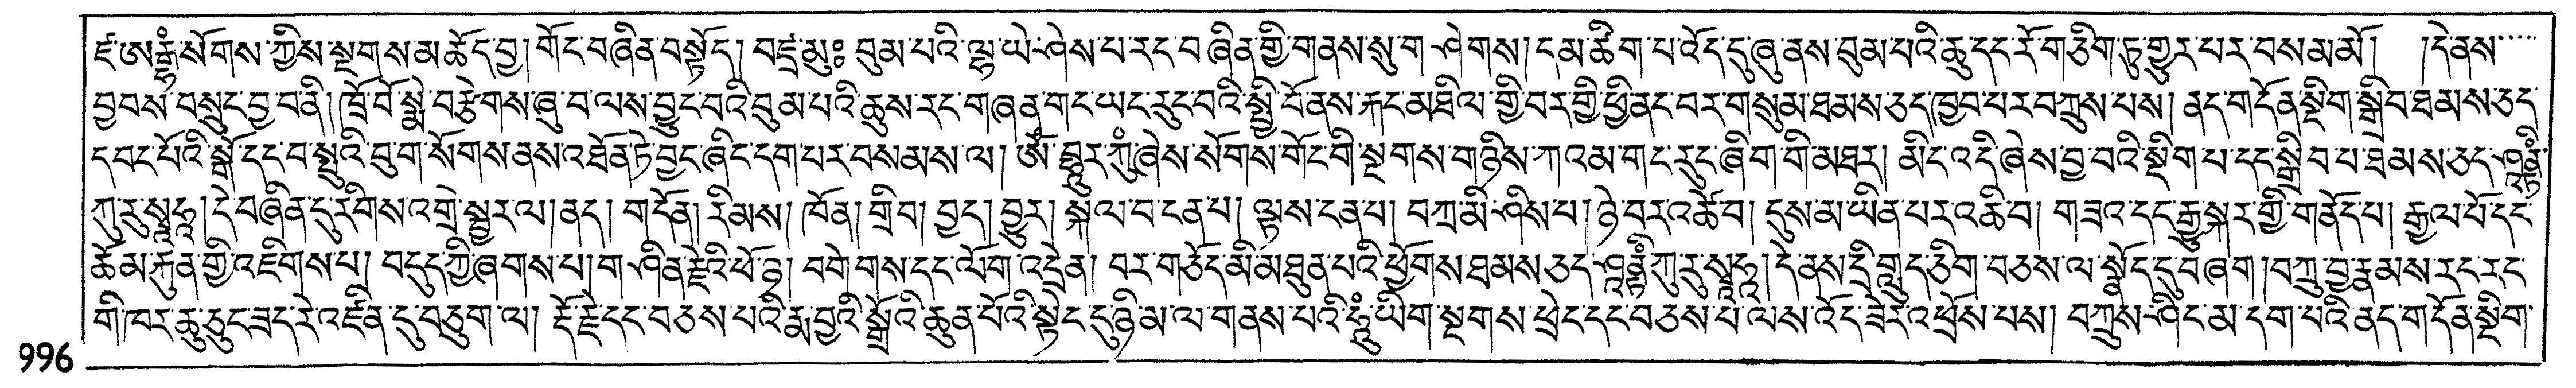ཛ་ཨརྒྷཾ་སོགས་ཀྱིས་སྔགས་མཆོད་བྱ། གོང་བཞིན་བསྟོད། བཛྲ་མུཿ བུམ་པའི་ལྷ་ཡེ་ཤེས་པ་རང་བཞིན་གྱི་གནས་སུ་གཤེགས། དམ་ཚིག་པ་འོད་དུ་ཞུ་ནས་བུམ་པའི་ཆུ་དང་རོ་གཅིག་ཏུ་གྱུར་པར་བསམ་མོ། །དེ་ནས་
བྱ་བས་བསྲུང་བྱ་བ་ནི། ཁྲོ་བོ་སྨེ་བརྩེགས་ཞུ་བ་ལས་བྱུང་བའི་བུམ་པའི་ཆུས་རང་གཞན་གང་ཡང་རུང་བའི་སྤྱི་བོ་ནས་རྐང་མཐིལ་གྱི་བར་གྱི་ཕྱི་ནང་བར་གསུམ་ཐམས་ཅད་ཁྱབ་པར་བཀྲུས་པས། ནད་གདོན་སྡིག་སྒྲིབ་ཐམས་ཅད་
དབང་པོའི་སྒོ་དང་བ་སྤུའི་བུ་ག་སོགས་ནས་འཐོན་ཏེ་བྱང་ཞིང་དག་པར་བསམས་ལ། ཨོཾ་བྷཱུར་ཀུཾ་ཞེས་སོགས་གོང་གི་སྔགས་གཉིས་ཀའམ་གང་རུང་ཞིག་གི་མཐར། མིང་འདི་ཞེས་བྱ་བའི་སྡིག་པ་དང་སྒྲིབ་པ་ཐམས་ཅད་ཤཱནྟིཾ་
ཀུ་རུ་སྭཱཧཱ། དེ་བཞིན་དུ་རིགས་འགྲེ་སྦྱར་ལ། ནད། གདོན། རིམས། ཁོན། གྲིབ། བྱད། བྱུར། སྐལ་བ་ངན་པ། ལྟས་ངན་པ། བཀྲ་མི་ཤིས་པ། ཉེ་བར་འཚེ་བ། དུས་མ་ཡིན་པར་འཆི་བ། གཟའ་དང་རྒྱུ་སྐར་གྱི་གནོད་པ། རྒྱལ་པོ་དང་
ཆོམ་རྐུན་གྱི་འཇིགས་པ། བདུད་ཀྱི་ཞགས་པ། གཤིན་རྗེའི་ཕོ་ཉ། བགེགས་དང་ལོག་འདྲེན། བར་གཅོད་མི་མཐུན་པའི་ཕྱོགས་ཐམས་ཅད་ཤཱནྟིཾ་ཀུ་རུ་སྭཱཧཱ། དེ་ནས་དྲི་གླུད་ཅིག་བཅས་ལ་སྣོད་དུ་བཞག །བཀྲུ་བྱ་རྣམས་རང་རང་
གི་ཁར་ཆུ་ཅུང་ཟད་རེ་འཛིན་དུ་བཅུག་ལ། རྡོ་རྗེ་དང་བཅས་པའི་རྨ་བྱའི་སྒྲོའི་ཆུན་པོའི་སྟེང་དུ་ཉི་མ་ལ་གནས་པའི་ཧཱུཾ་ཡིག་སྔགས་ཕྲེང་དང་བཅས་པ་ལས་འོད་ཟེར་འཕྲོས་པས། བཀྲུས་ཤིང་མ་དག་པའི་ནད་གདོན་སྡིག་